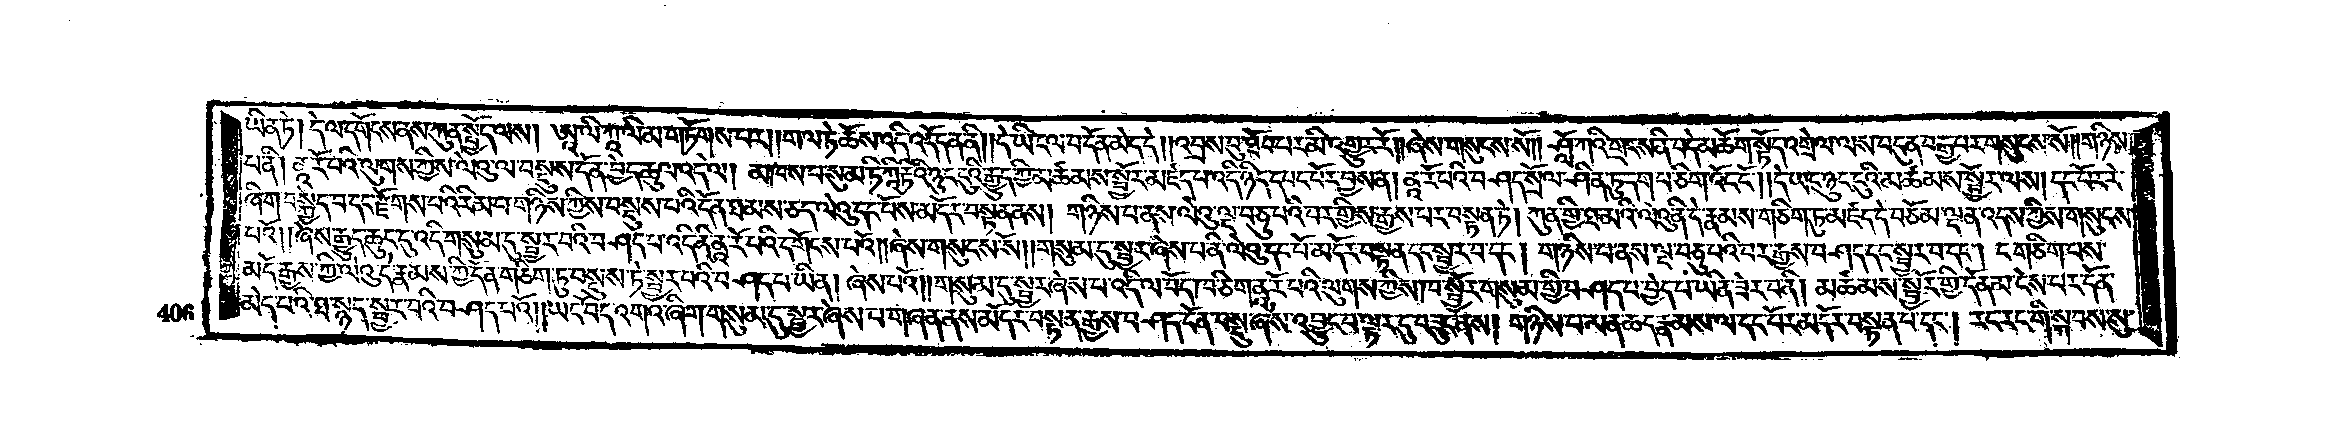ཡིན་ཏེ། དེ་ལ་དགོངས་ནས་ཀུན་སྤྱོད་ལས། ཨཱ་ལི་ཀཱ་ལི་མ་གཏོགས་པར། །གལ་ཏེ་ཆོས་འདི་འདོད་ན་ནི། །དེ་ཡི་ངལ་བ་དོན་མེད་དེ། །འབྲས་བུ་ཐོབ་པར་མི་འགྱུར་རོ། །ཞེས་གསུངས་སོ། །ཤློ་ཀའི་གྲངས་ནི་བདེ་མཆོག་སྟོད་འགྲེལ་ལས་བདུན་བརྒྱ་པར་གསུངས་སོ། །གཉིས་
པ་ནི། ནཱ་རོ་པའི་ལུགས་ཀྱིས་ལེའུ་ལ་བསྡུས་དོན་བྱེད་ཚུལ་འདི་ལ། མཁས་པ་སུ་མ་ཏི་ཀཱིརྟིའི་ཉུང་ངུའི་རྒྱུད་ཀྱི་མཚམས་སྦྱོར་མཛད་པ་འདི་ཉིད་དབང་པོར་བྱས་ན། ནཱ་རོ་པའི་བཤད་སྲོལ་ཤིན་ཏུ་དག་པ་ཅིག་འོང་ངོ། །དེ་ཡང་ཉུང་ངུའི་མཚམས་སྦྱོར་ལས། དང་པོར་རེ་
ཞིག་བསྐྱེད་བ་དང་རྫོགས་པའི་རིམ་པ་གཉིས་ཀྱིས་བསྡུས་པའི་དོན་ཐམས་ཅད་ལེའུ་དང་པོས་མདོར་བསྟན་ནས། གཉིས་པ་ནས་ལེའུ་ལྔ་བཅུ་པའི་བར་གྱིས་རྒྱས་པར་བསྟན་ཏེ། ཀུན་གྱི་ཐ་མའི་ལེའུ་ནི་དེ་རྣམས་གཅིག་ཏུ་མཛད་དེ་བཅོམ་ལྡན་འདས་ཀྱིས་གསུངས་
པའོ། །ཞེས་རྒྱུད་ཆུང་ངུ་འདི་གསུམ་དུ་སྦྱར་བའི་བཤད་པ་འདི་ནི་ནཱ་རོ་པའི་དགོངས་པའོ། །ཞེས་གསུངས་སོ། །གསུམ་དུ་སྦྱར་ཞེས་པ་ནི་ལེའུ་དང་པོ་མདོར་བསྟན་དང་སྦྱར་བ་དང་། གཉིས་པ་ནས་ལྔ་བཅུ་པའི་བར་རྒྱས་བཤད་དང་སྦྱར་བ་དང་། ང་གཅིག་པས་
མདོ་རྒྱས་ཀྱི་ལེའུ་དེ་རྣམས་ཀྱི་དོན་གཅིག་ཏུ་བསྡུས་ཏེ་སྦྱར་བའི་བཤད་པ་ཡིན། ཞེས་པའོ། །གསུམ་དུ་སྦྱར་ཞེས་པ་འདི་ལ་བོད་ཁ་ཅིག་ནཱ་རོ་པའི་ལུགས་ཀྱིས་ཁ་སྦྱོར་གསུམ་གྱི་བཤད་པ་བྱེད་པ་ཡིན་ཟེར་བ་ནི། མཚམས་སྦྱོར་གྱི་དོན་མ་ངེས་པར་དོན་
མེད་པའི་ཐ་སྙད་སྦྱར་བའི་བཤད་པའོ། །ཡང་བོད་འགའ་ཞིག་གསུམ་དུ་སྦྱར་ཞེས་པ་གཞན་ནས་མདོར་བསྟན་རྒྱས་བཤད་དོན་བསྡུ་ཞེས་འབྱུང་བ་ལྟར་དུ་བཟུང་ནས། གཉིས་པ་མན་ཆད་རྣམས་ལ་དང་པོར་མདོར་བསྟན་པ་དང་། རང་རང་གི་སྐབས་སུ་